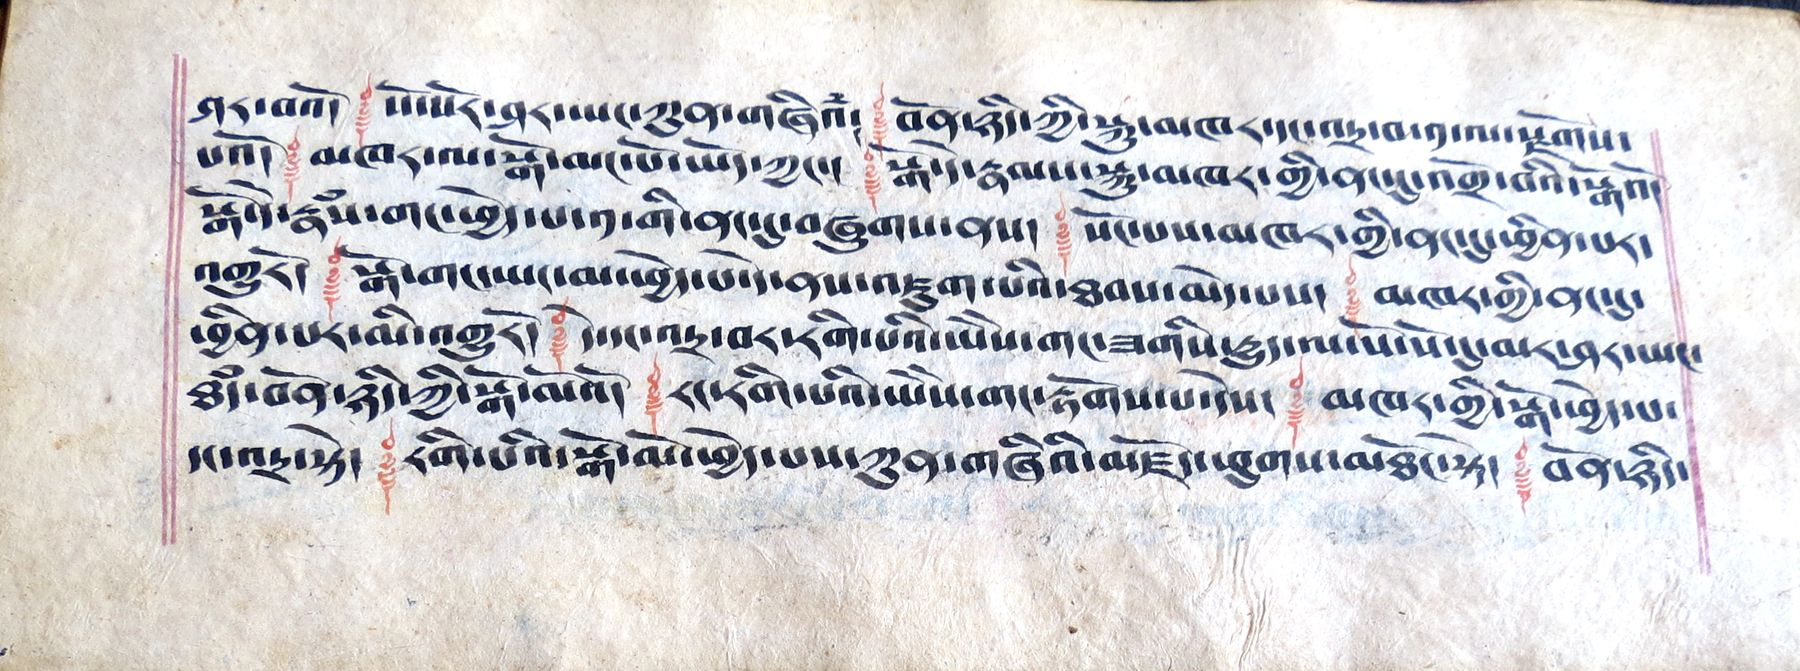ཤར་བའོ། ། སོ་སོར་ཤར་ཡང་ཀུན་གཞི་བོན་ཉིད་སྐུ་མཁར་དང་འདྲ་བ་གཅིག་ལ་རྫོགས་
པའོ། ། མཁར་ལ་སྒོ་མང་པོ་ཡོད་ཀྱང་། སྒོ་དེ་རྣམས་སྐུ་མཁར་དུ་འགྲོ་བའི་སྒོའོ། 
སྒོ་དེ་རྣམས་གང་ཕྱེད་པ་གཅིག་གི་ནང་དུ་ཞུགས་ན། མཁར་གྱི་ནང་དུ་ཕྱིན་པར་
འགྱུར། སྒོ་གང་མ་ཕྱེད་པ་དེ་ནས་འཇུག་པའི་ཐབས་མེད་པས། མཁར་གྱི་ནང་དུ་
ཕྱིན་པར་མི་འགྱུར་རོ། ། དེ་དང་འདྲ་བར་རིག་པའི་ཡེ་ཤེས་གང་ཟག་གི་རྒྱུད་ལ་སོ་སོ་དུ་མར་ཤར་ཀྱང་། 
ཐམས་ཅད་བོན་ཉིད་ཀྱི་སྒོ་མོའོ། ། རང་རིག་པའི་ཡེ་ཤེས་གང་རྟོགས་པ་དེས། མཁར་གྱི་སྒོ་ཕྱེད་པ་
དང་འདྲ་སྟེ། རིག་པའི་སྒོ་མོ་ཕྱེད་པས། ཀུན་གཞིའི་མཛོད་ཕུགས་མཐོང་སྟེ། བོན་ཉིད་